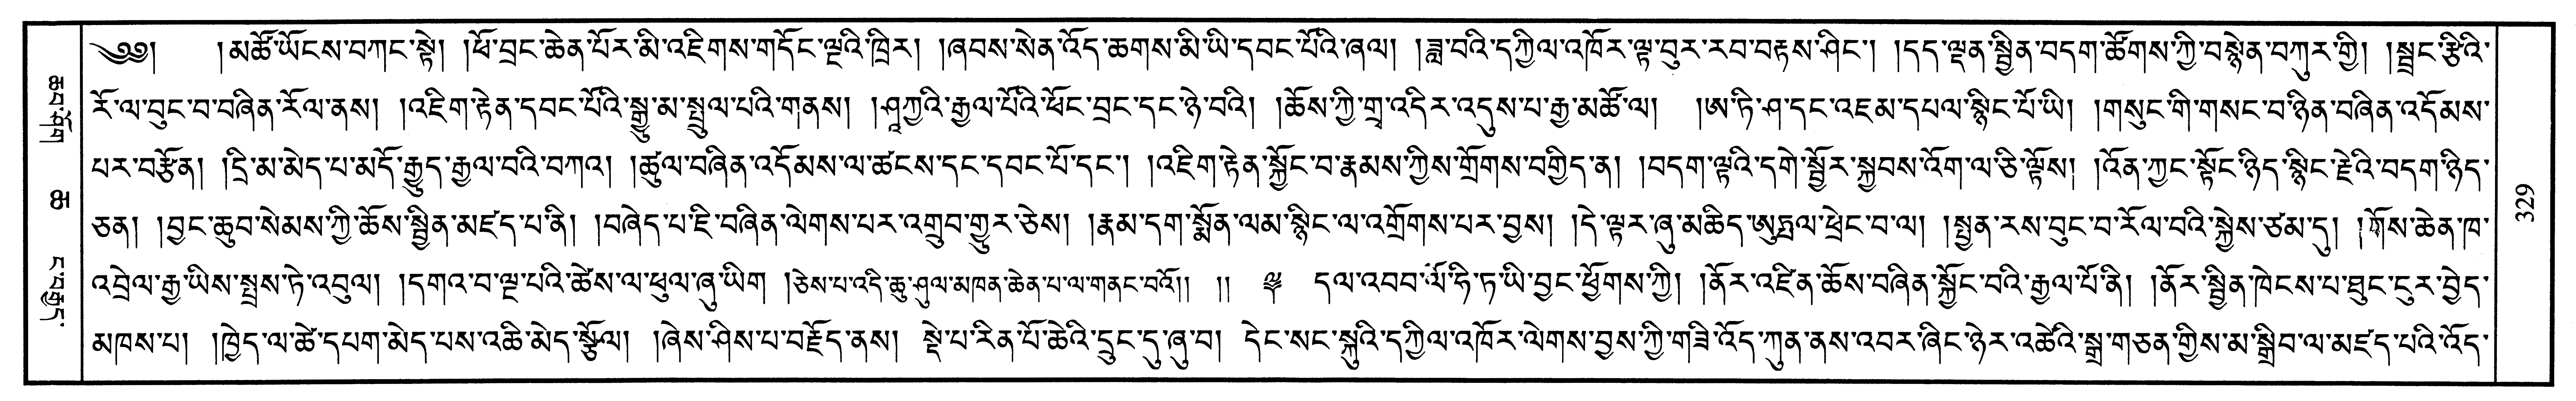༄༅། །མཚོ་ཡོངས་བཀང་སྟེ། །ཕོ་བྲང་ཆེན་པོར་མི་འཇིགས་གདོང་ལྔའི་ཁྲིར། །ཞབས་སེན་འོད་ཆགས་མི་ཡི་དབང་པོའི་ཞལ། །ཟླ་བའི་དཀྱིལ་འཁོར་ལྟ་བུར་རབ་བརྟས་ཤིང་། །དད་ལྡན་སྦྱིན་བདག་ཚོགས་ཀྱི་བསྙེན་བཀུར་གྱི། །སྦྲང་རྩིའི་
རོ་ལ་བུང་བ་བཞིན་རོལ་ནས། །འཇིག་རྟེན་དབང་པོའི་སྒྱུ་མ་སྤྲུལ་པའི་གནས། །ཤཱཀྱའི་རྒྱལ་པོའི་ཕོ་བྲང་དང་ཉེ་བའི། །ཆོས་ཀྱི་གྲྭ་འདིར་འདུས་པ་རྒྱ་མཚོ་ལ། །ཨ་ཏི་ཤ་དང་འཇམ་དཔལ་སྙིང་པོ་ཡི། །གསུང་གི་གསང་བ་ཉིན་བཞིན་འདོམས་
པར་བརྩོན། །དྲི་མ་མེད་པ་མདོ་རྒྱུད་རྒྱལ་བའི་བཀའ། །ཚུལ་བཞིན་འདོམས་ལ་ཚངས་དང་དབང་པོ་དང་། །འཇིག་རྟེན་སྐྱོང་བ་རྣམས་ཀྱིས་གྲོགས་བགྱིད་ན། །བདག་ལྟའི་དགེ་སྦྱོར་སྐྱབས་འོག་ལ་ཅི་ལྟོས། །འོན་ཀྱང་སྟོང་ཉིད་སྙིང་རྗེའི་བདག་ཉིད་
ཅན། །བྱང་ཆུབ་སེམས་ཀྱི་ཆོས་སྦྱིན་མཛད་པ་ནི། །བཞེད་པ་ཇི་བཞིན་ལེགས་པར་འགྲུབ་གྱུར་ཅེས། །རྣམ་དག་སྨོན་ལམ་སྙིང་ལ་འགྲོགས་པར་བྱས། །དེ་ལྟར་ཞུ་མཆིད་ཨུཏྤལ་ཕྲེང་བ་ལ། །སྤྱན་རས་བུང་བ་རོལ་བའི་སྐྱེས་ཙམ་དུ། །གོས་ཆེན་ཁ་
འབྲེལ་རྒྱ་ཡིས་སྤྲས་ཏེ་འབུལ། །དགའ་བ་ལྔ་པའི་ཚེས་ལ་ཕུལ་ཞུ་ཡིག །ཅེས་པ་འདི་ཆུ་ཤུལ་མཁན་ཆེན་པ་ལ་གནང་བའོ།། །། ༈ དལ་འབབ་ལོ་ཧི་ཏ་ཡི་བྱང་ཕྱོགས་ཀྱི། །ནོར་འཛིན་ཆོས་བཞིན་སྐྱོང་བའི་རྒྱལ་པོ་ནི། །ནོར་སྦྱིན་ཁེངས་པ་ཐུང་ངུར་བྱེད་
མཁས་པ། །ཁྱེད་ལ་ཚེ་དཔག་མེད་པས་འཆི་མེད་སྩོལ། །ཞེས་ཤིས་པ་བརྗོད་ནས། སྡེ་པ་རིན་པོ་ཆེའི་དྲུང་དུ་ཞུ་བ། དེང་སང་སྐུའི་དཀྱིལ་འཁོར་ལེགས་བྱས་ཀྱི་གཟི་འོད་ཀུན་ནས་འབར་ཞིང་ཉེར་འཚེའི་སྒྲ་གཅན་གྱིས་མ་སྒྲིབ་ལ་མཛད་པའི་འོད་